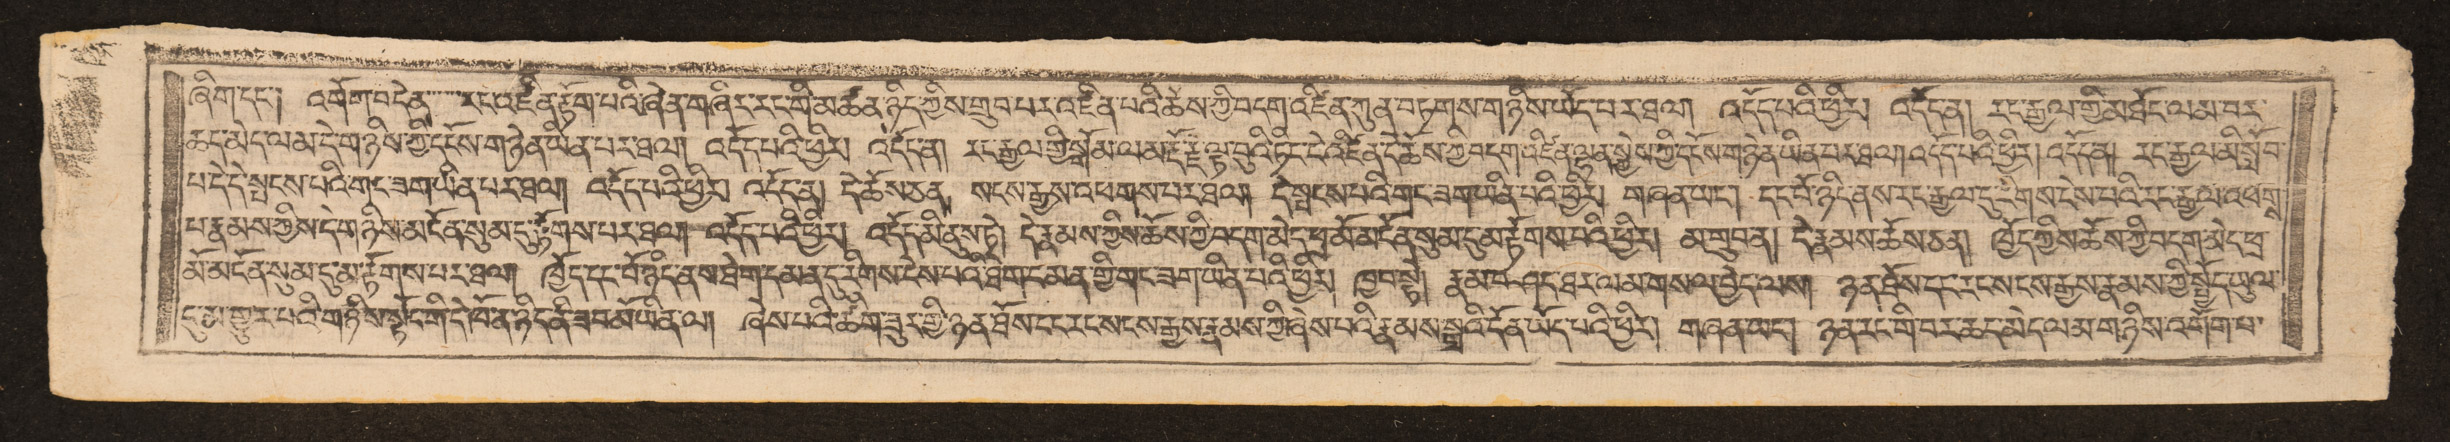ཞིག་དང་། འགོག་བདེན་རང་འཛིན་རྟོག་པའི་ཞེན་གཞིར་རང་གི་མཚན་ཉིད་ཀྱིས་གྲུབ་པར་འཛིན་པའི་ཆོས་ཀྱི་བདག་འཛིན་ཀུན་བཏགས་གཉིས་ཡོད་པར་ཐལ། འདོད་པའི་ཕྱིར། འདོད་ན། རང་རྒྱལ་གྱི་མཐོང་ལམ་བར་
ཆད་མེད་ལམ་དེ་གཉིས་ཀྱི་དངོས་གཉེན་ཡིན་པར་ཐལ། འདོད་པའི་ཕྱིར། འདོད་ན། རང་རྒྱལ་གྱི་སྒོམ་ལམ་རྡོ་རྗེ་ལྟ་བུའི་ཏིང་ངེ་འཛིན་དེ་ཆོས་ཀྱི་བདག་འཛིན་ལྷན་སྐྱེས་ཀྱི་དངོས་གཉེན་ཡིན་པར་ཐལ། འདོད་པའི་ཕྱིར། འདོད་ན། རང་རྒྱལ་མི་སློབ་
པ་དེ་དེ་སྤངས་པའི་གང་ཟག་ཡིན་པར་ཐལ། འདོད་པའི་ཕྱིར། འདོད་ན། དེ་ཆོས་ཅན། སངས་རྒྱས་འཕགས་པར་ཐལ། དེ་སྤངས་པའི་གང་ཟག་ཡིན་པའི་ཕྱིར། གཞན་ཡང་། དང་པོ་ཉིད་ནས་རང་རྒྱལ་དུ་རིགས་ངེས་པའི་རང་རྒྱལ་འཕགས་
པ་རྣམས་ཀྱིས་དེ་གཉིས་མངོན་སུམ་དུ་རྟོགས་པར་ཐལ། འདོད་པའི་ཕྱིར། འདོད་མི་ནུས་ཏེ། དེ་རྣམས་ཀྱིས་ཆོས་ཀྱི་བདག་མེད་ཕྲ་མོ་མངོན་སུམ་དུ་མ་རྟོགས་པའི་ཕྱིར། མ་གྲུབ་ན། དེ་རྣམས་ཆོས་ཅན། ཁྱོད་ཀྱིས་ཆོས་ཀྱི་བདག་མེད་ཕྲ་
མོ་མངོན་སུམ་དུ་མ་རྟོགས་པར་ཐལ། ཁྱོད་དང་པོ་ཉིད་ནས་ཐེག་དམན་དུ་རིགས་ངེས་པའི་ཐེག་དམན་གྱི་གང་ཟག་ཡིན་པའི་ཕྱིར། ཁྱབ་སྟེ། རྣམ་བཤད་ཐར་ལམ་གསལ་བྱེད་ལས། ཉན་ཐོས་དང་རང་སངས་རྒྱས་རྣམས་ཀྱི་སྤྱོད་ཡུལ་
དུ་མ་གྱུར་པའི་གཉིས་སྟོང་གི་དེ་ཁོ་ན་ཉིད་ནི་ཟབ་མོ་ཡིན་ལ། ཞེས་པའི་ཚིག་ཟུར་གྱི་ཉན་ཐོས་དང་རང་སངས་རྒྱས་རྣམས་ཀྱི་ཞེས་པའི་རྣམས་སྒྲའི་དོན་ཡོད་པའི་ཕྱིར། གཞན་ཡང་། ཉན་རང་གི་བར་ཆད་མེད་ལམ་གཉིས་འགོག་པ་